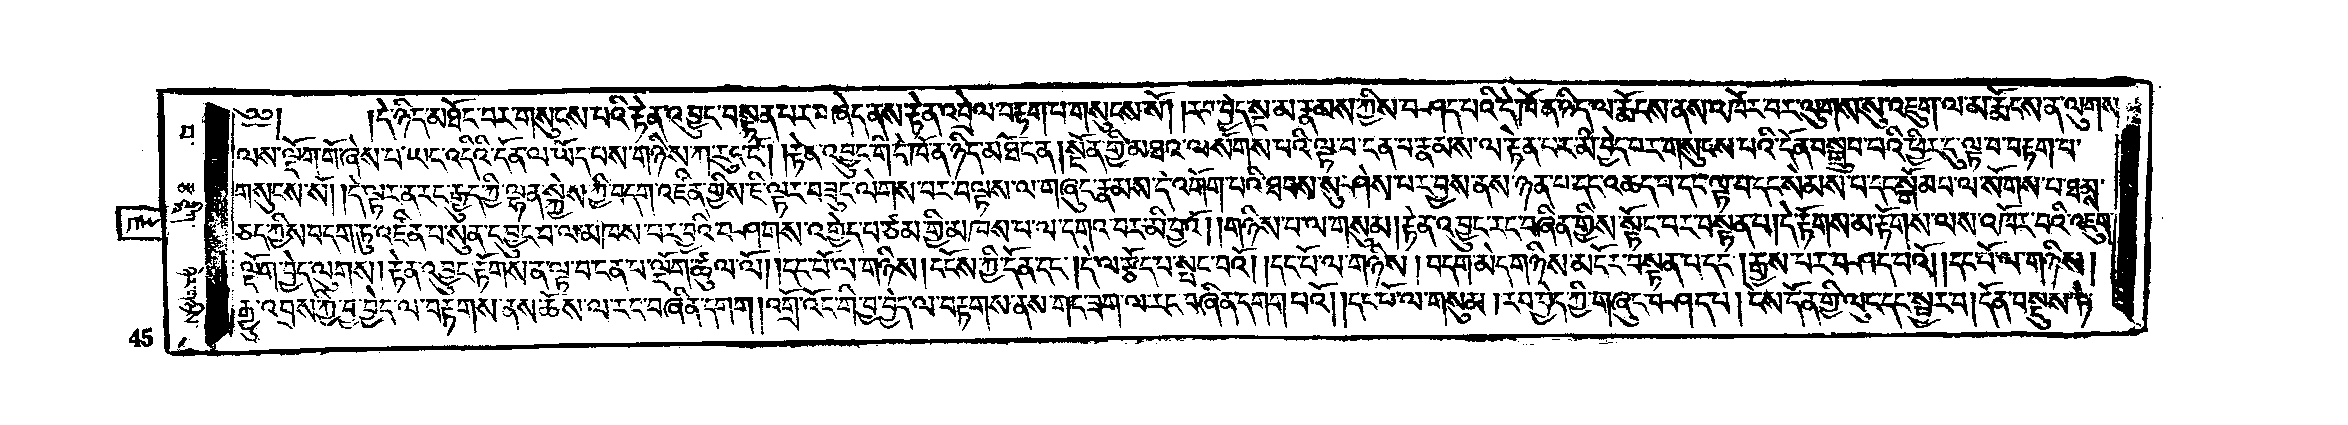༄༅། །དེ་ཉིད་མཐོང་བར་གསུངས་པའི་རྟེན་འབྱུང་བསྟན་པར་བཞེད་ནས་རྟེན་འབྲེལ་བརྟག་པ་གསུངས་སོ། །རབ་བྱེད་སྔ་མ་རྣམས་ཀྱིས་བཤད་པའི་དེ་ཁོ་ན་ཉིད་ལ་རྨོངས་ནས་འཁོར་བར་ལུགས་སུ་འཇུག་ལ་མ་རྨོངས་ན་ལུགས་
ལས་ལྡོག་གོ་ཞེས་པ་ཡང་འདིའི་དོན་ལ་ཡོད་པས་གཉིས་ཀ་རུང་ངོ། །རྟེན་འབྱུང་གི་དེ་ཁོ་ན་ཉིད་མཐོང་ན། སྔོན་གྱི་མཐའ་ལ་སོགས་པའི་ལྟ་བ་ངན་པ་རྣམས་ལ་རྟེན་པར་མི་བྱེད་པར་གསུངས་པའི་དོན་བསྒྲུབ་པའི་ཕྱིར་དུ་ལྟ་བ་བརྟག་པ་
གསུངས་སོ། །དེ་ལྟར་ན་རང་རྒྱུད་ཀྱི་ལྷན་སྐྱེས་ཀྱི་བདག་འཛིན་གྱིས་ཇི་ལྟར་བཟུང་ལེགས་པར་བལྟས་ལ་གཞུང་རྣམས་དེ་འགོག་པའི་ཐབས་སུ་ཤེས་པར་བྱས་ནས་ཉན་པ་དང་འཆད་པ་དང་ལྟ་བ་དང་སེམས་པ་དང་སྒོམ་པ་ལ་སོགས་པ་ཐམས་
ཅད་ཀྱིས་བདག་ཏུ་འཛིན་པ་སུན་དབྱུང་བ་ལ་མཁས་པར་བྱའི་བཤགས་འགྱེད་པ་ཙམ་གྱི་མཁས་པ་ལ་དགའ་བར་མི་བྱའོ། །གཉིས་པ་ལ་གསུམ། རྟེན་འབྱུང་རང་བཞིན་གྱིས་སྟོང་པར་བསྟན་པ། དེ་རྟོགས་མ་རྟོགས་ལས་འཁོར་བའི་འཇུག་
ལྡོག་བྱེད་ལུགས། རྟེན་འབྱུང་རྟོགས་ན་ལྟ་བ་ངན་པ་ལྡོག་ཚུལ་ལོ། །དང་པོ་ལ་གཉིས། དངོས་ཀྱི་དོན་དང་། དེ་ལ་རྩོད་པ་སྤང་བའོ། །དང་པོ་ལ་གཉིས། བདག་མེད་གཉིས་མདོར་བསྟན་པ་དང་། རྒྱས་པར་བཤད་པའོ། །དང་པོ་ལ་གཉིས།
རྒྱུ་འབྲས་ཀྱི་བྱ་བྱེད་ལ་བརྟགས་ནས་ཆོས་ལ་རང་བཞིན་དགག། འགྲོ་འོང་གི་བྱ་བྱེད་ལ་བརྟགས་ནས་གང་ཟག་ལ་རང་བཞིན་དགག་པའོ། །དང་པོ་ལ་གསུམ། རབ་བྱེད་ཀྱི་གཞུང་བཤད་པ། ངེས་དོན་གྱི་ལུང་དང་སྦྱར་བ། དོན་བསྡུས་ཏེ་